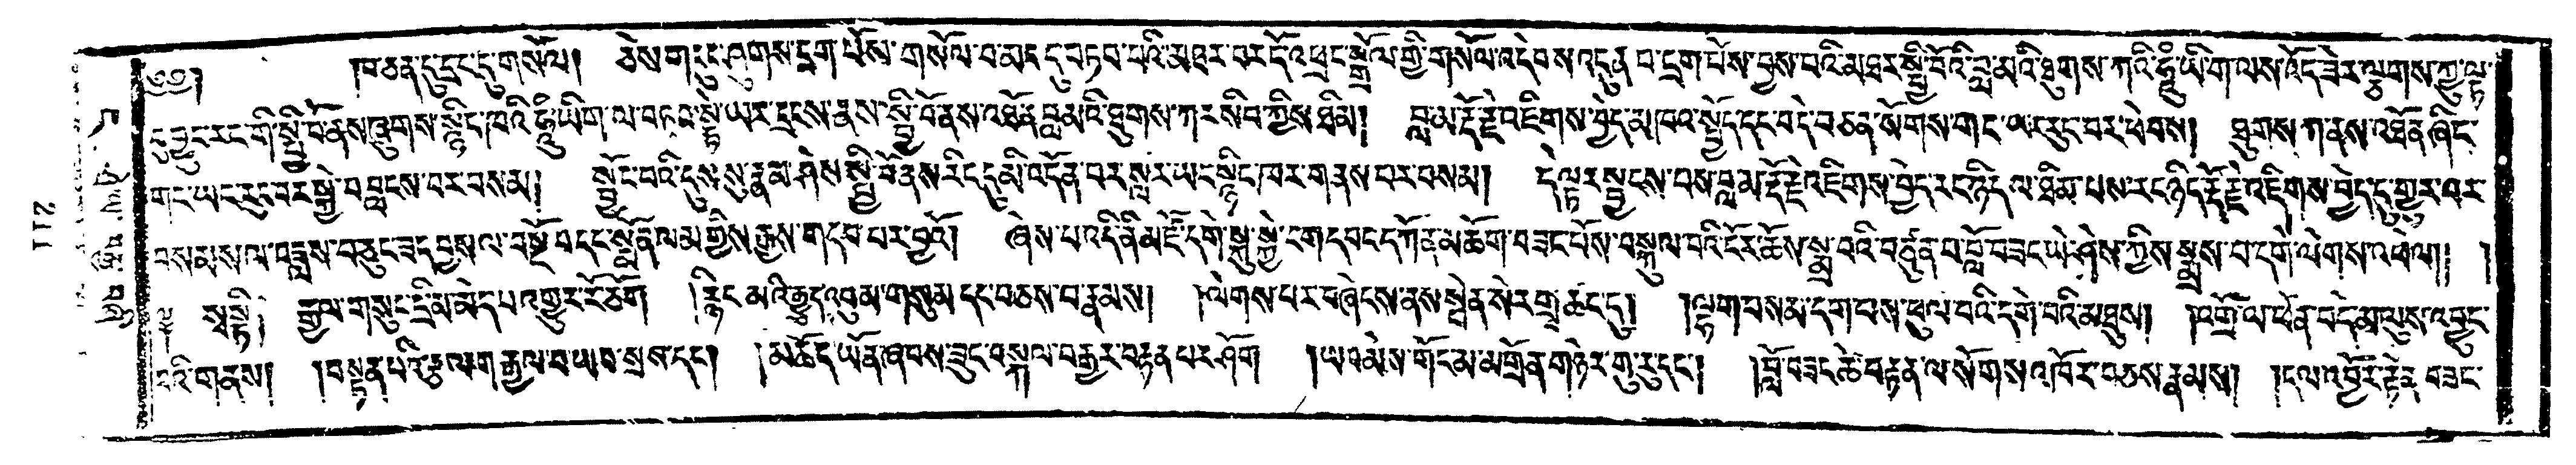༄༅། །བ་ཅན་དུ་དྲང་དུ་གསོལ། ཅེས་གདུང་ཤུགས་དྲག་པོས་གསོལ་བ་མང་དུ་བཏབ་པའི་མཐར་བར་དོ་འཕྲང་སྒྲོལ་གྱི་གསོལ་འདེབས་འདུན་བ་དྲག་པོས་བྱས་པའི་མཐར་སྤྱི་བོའི་བླ་མའི་ཐུགས་ཀའི་ཧཱུཾ་ཡི་ག་ལས་འོད་ཟེར་ལྕགས་ཀྱུ་ལྟ་
བུ་བྱུང་རང་གི་སྤྱི་བོ་ནས་ཞུགས་སྙིང་ཁའི་ཧཱུཾ་ཡིག་ལ་བཏབ་སྟེ་ཡར་དྲངས་ནས་སྤྱི་བོ་ནས་འཐོན་བླ་མའི་ཐུགས་ཀར་སིབ་ཀྱིས་ཐིམ། བླ་མ་རྡོ་རྗེ་འཇིགས་བྱེད་མཁའ་སྤྱོད་དང་བདེ་བ་ཅན་སོགས་གང་ཡང་རུང་བར་ཕེབས། ཐུགས་ཀ་ནས་འཐོན་ཞིང་
གང་ཡང་རུང་བར་སྐྱེ་བ་བླངས་པར་བསམ། སྦྱོང་བའི་དུས་སུ་རྣམ་ཤེས་སྤྱི་བོ་ནས་རིང་དུ་མི་འདོན་བར་སླར་ཡང་སྙིང་ཁར་གནས་བར་བསམ། དེ་ལྟར་སྦྱངས་བས་བླ་མ་རྡོ་རྗེ་འཇིགས་བྱེད་རང་ཉིད་ལ་ཐིམ་པས་རང་ཉིད་རྡོ་རྗེ་འཇིགས་བྱེད་དུ་གྱུར་བར་
བསམས་ལ་བཟླས་བཅུང་ཟད་བྱས་ལ་བསྔོ་བ་དང་སྨོན་ལམ་གྱིས་རྒྱས་གདབ་བར་བྱའོ། ཞེས་པ་འདི་ནི་མཛོ་དགེ་སྐུ་སྐྱེ་ངང་དབང་དཀོན་མཆོག་བཟང་པོས་བསྐུལ་བའི་ངོར་ཆོས་སྨྲ་བའི་བཙུན་བ་བློ་བཟང་ཡེ་ཤེས་ཀྱིས་སྨྲས་པ་དགེ་ལེགས་འཕེལ།། །
༈ སྭསྟི། རྒྱལ་གསུང་དྲི་མ་མེད་པ་འགྱུར་རོ་ཅོག །རྙིང་མའི་རྒྱུད་འབུམ་གསུམ་དང་བཅས་པ་རྣམས། །ལེགས་པར་བཞེངས་ནས་སྤེན་སེར་གྲྭ་ཚང་དུ། །ལྷག་བསམ་དག་པས་ཕུལ་བའི་དགེ་བའི་མཐུས། །འགྲོ་ལ་ཕེན་བདེ་མ་ལུས་འབྱུང་
བའི་གནས། །བསྟན་པའི་རྩ་ལག་རྒྱལ་བ་ཡབ་སྲས་དང་། །མཆོད་ཡོན་ཞབས་ཟུང་བསྐལ་བརྒྱར་བརྟན་པར་ཤོག །ཡབ་མེས་གོང་མ་མགྲོན་གཉེར་གུ་རུ་དང་། །བློ་བཟང་ཚེ་བརྟན་ལ་སོགས་འཁོར་བཅས་རྣམས། །དལ་འབྱོར་རྟེན་བཟང་